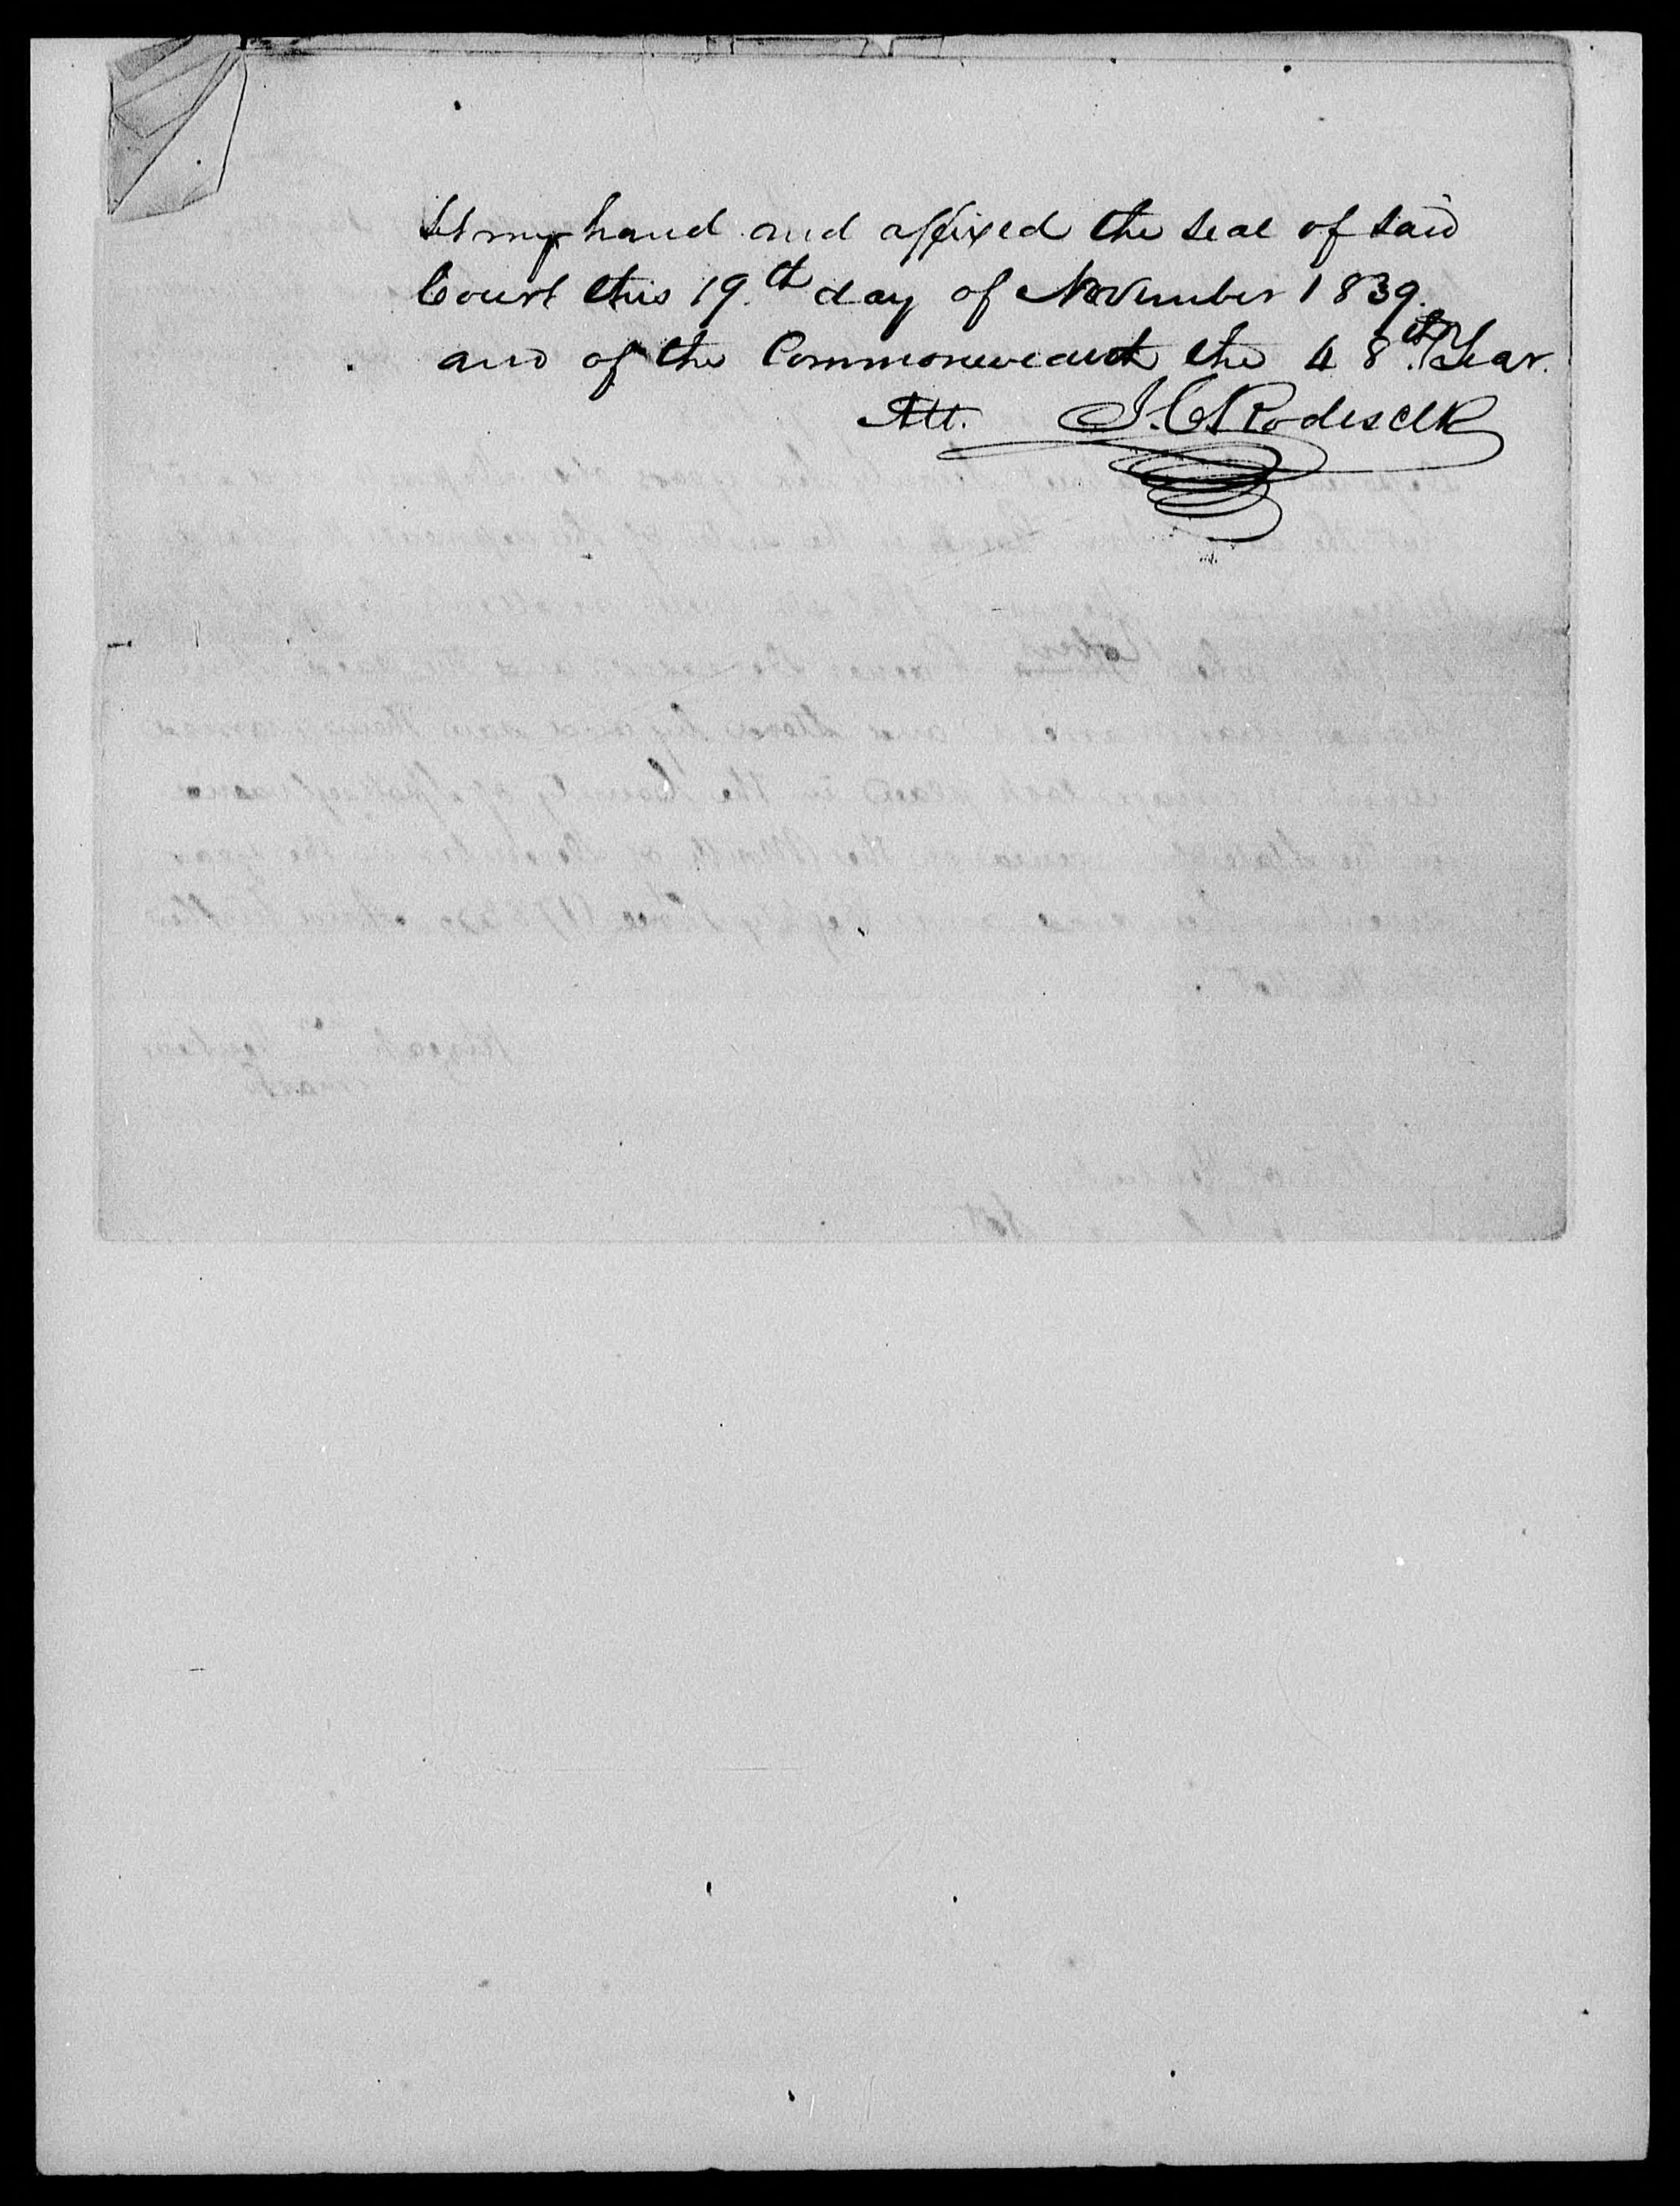set my hand and affixed the seal of said
Court this 19th day of November 1839.
and of the Commonwealth the 48th year
Att.
J. C. Rodes clk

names: J C Rodes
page: 20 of 79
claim: rejected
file: R. 3863, Robert Gaines, Va.